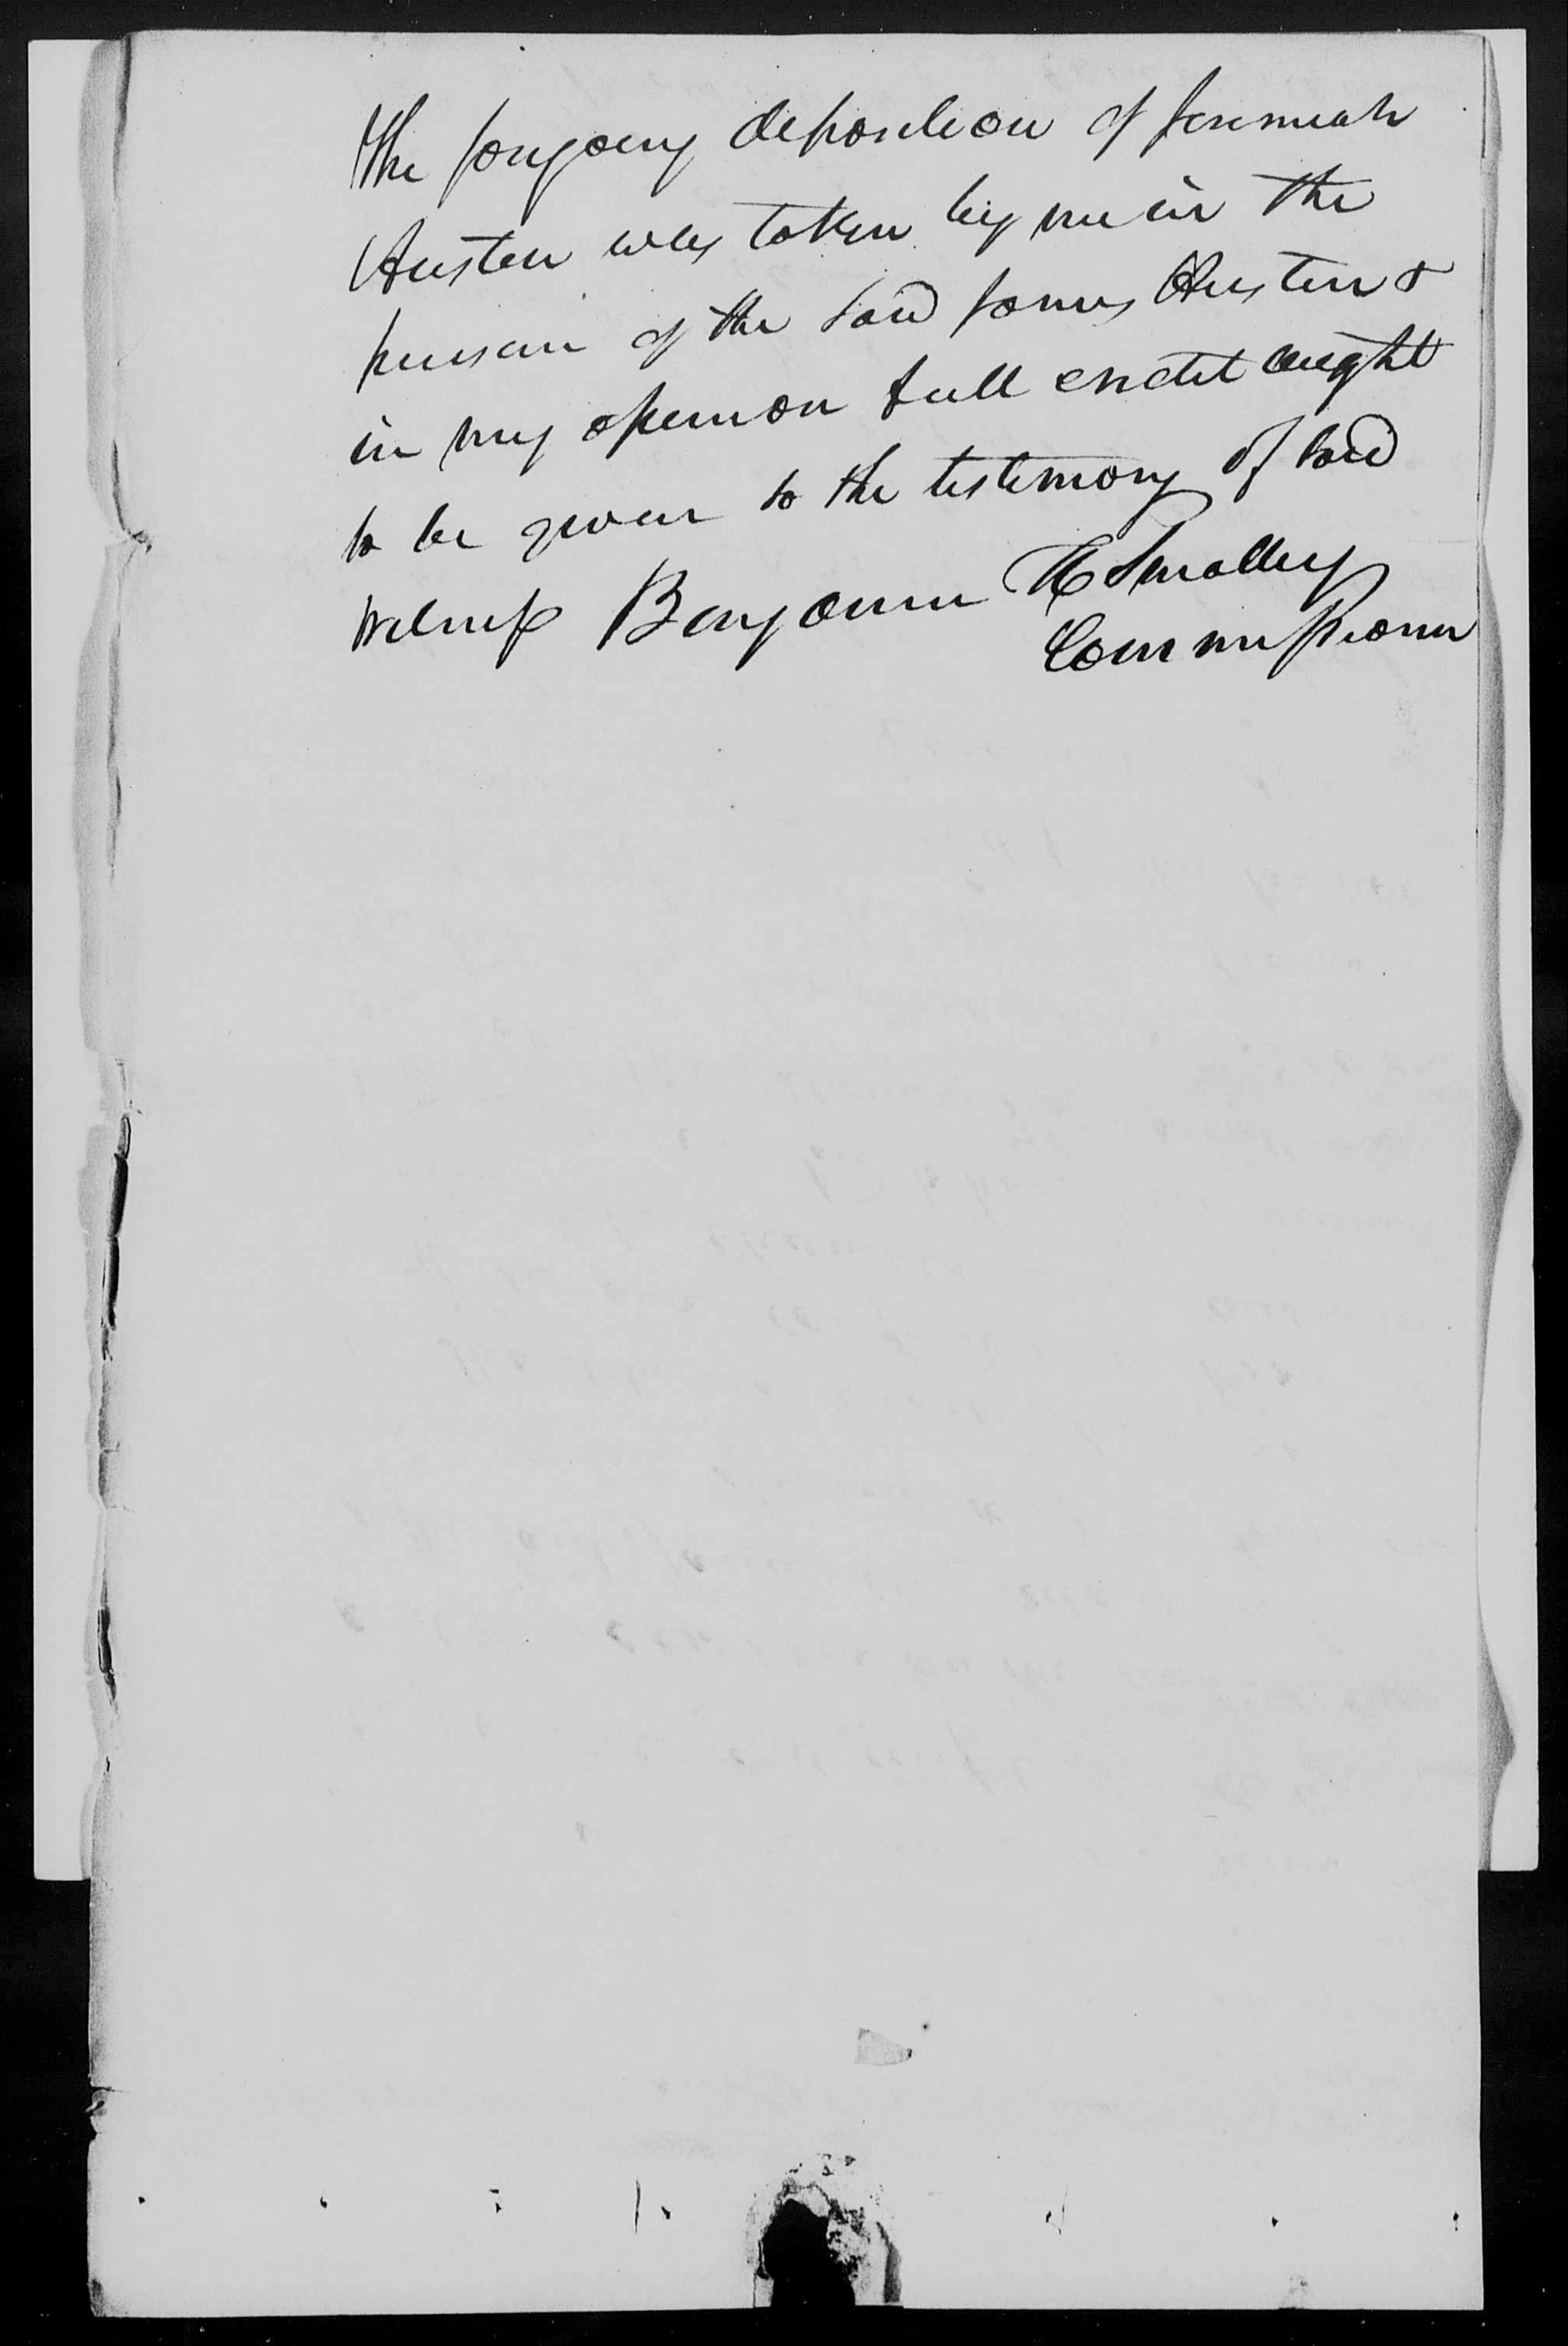the foregoing deposition of Jeremiah Austin was taken by me in the presence of the said James Austin & in my opinion full credit ought to be given to the testimony of said witness
Benjamin H Smalley
Commissioner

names: Benjamin H Smalley, Jeremiah Austin, James Austin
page: 18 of 100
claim: survivor's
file: S 19186, James Austin, Conn. New York R.I.